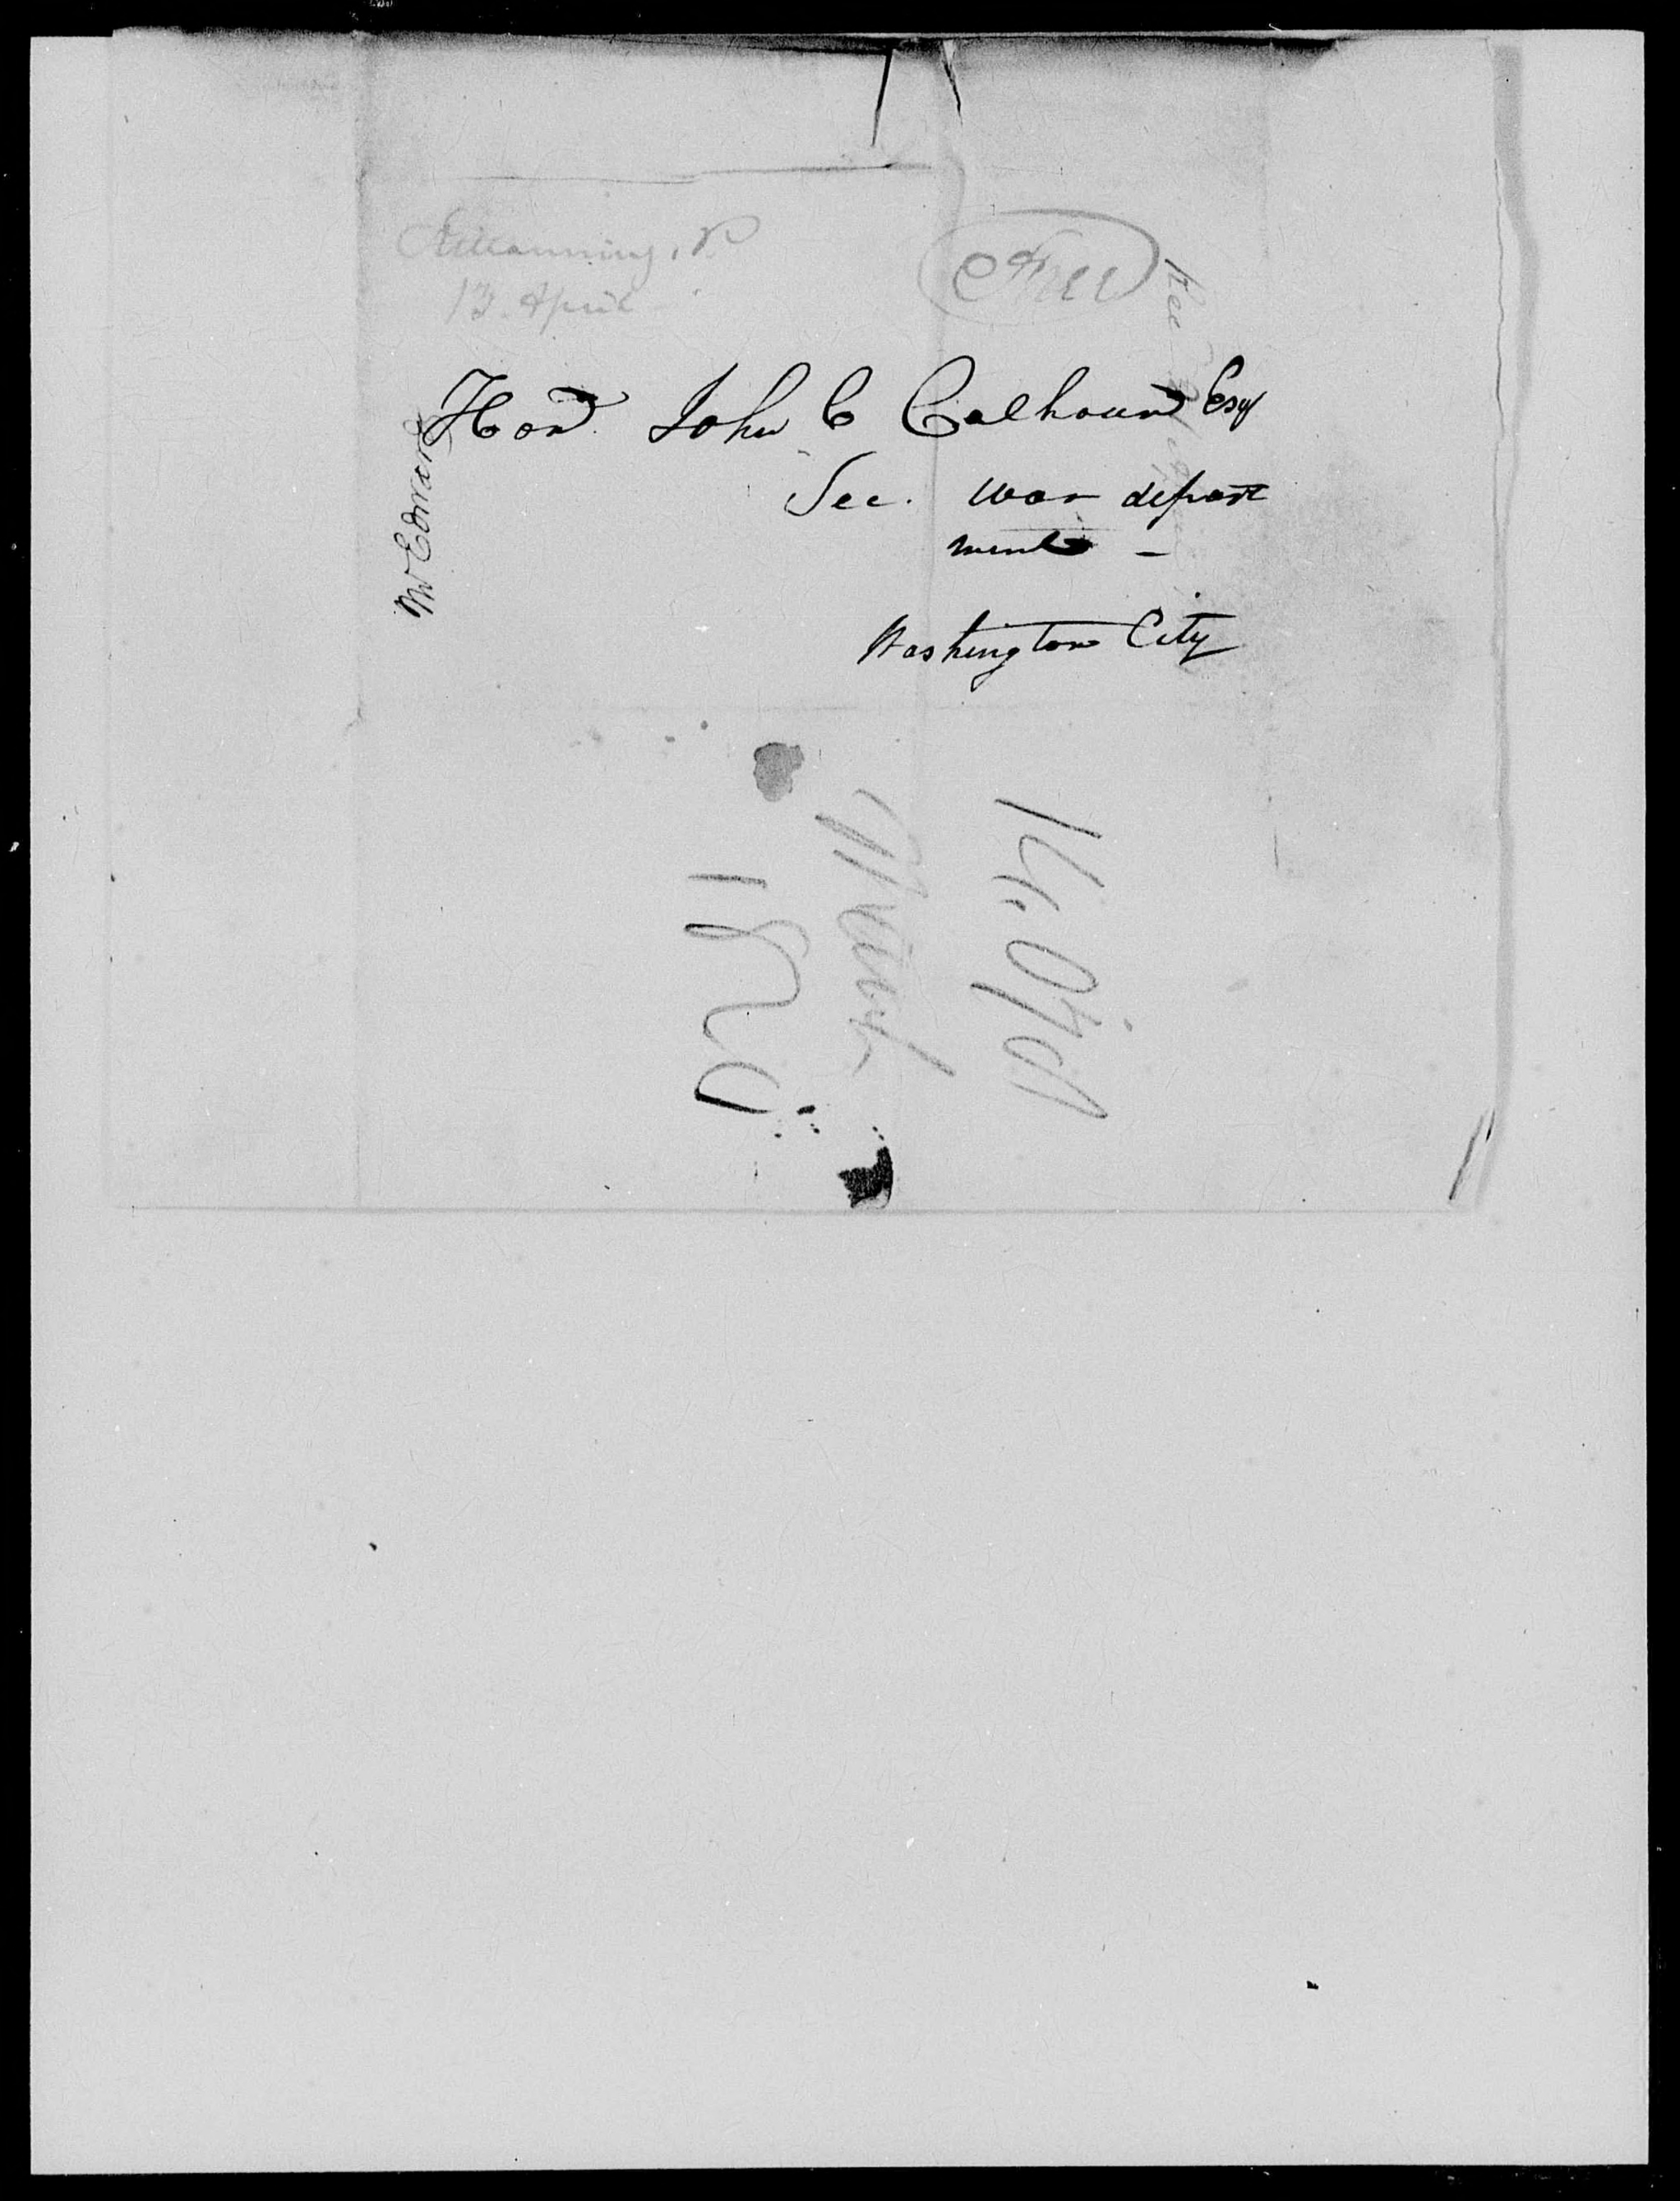Kittanning, Pa.
13 April
Hon. Joh C Calhoun, Esq.
Sec. War Department
Washington City
14.078
March 1820
J W Edwards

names: John C Calhoun; [BLANK] Edwards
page: 16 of 20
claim: survivor's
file: S. 40,935, for Archibald Leech, Pennsylvania